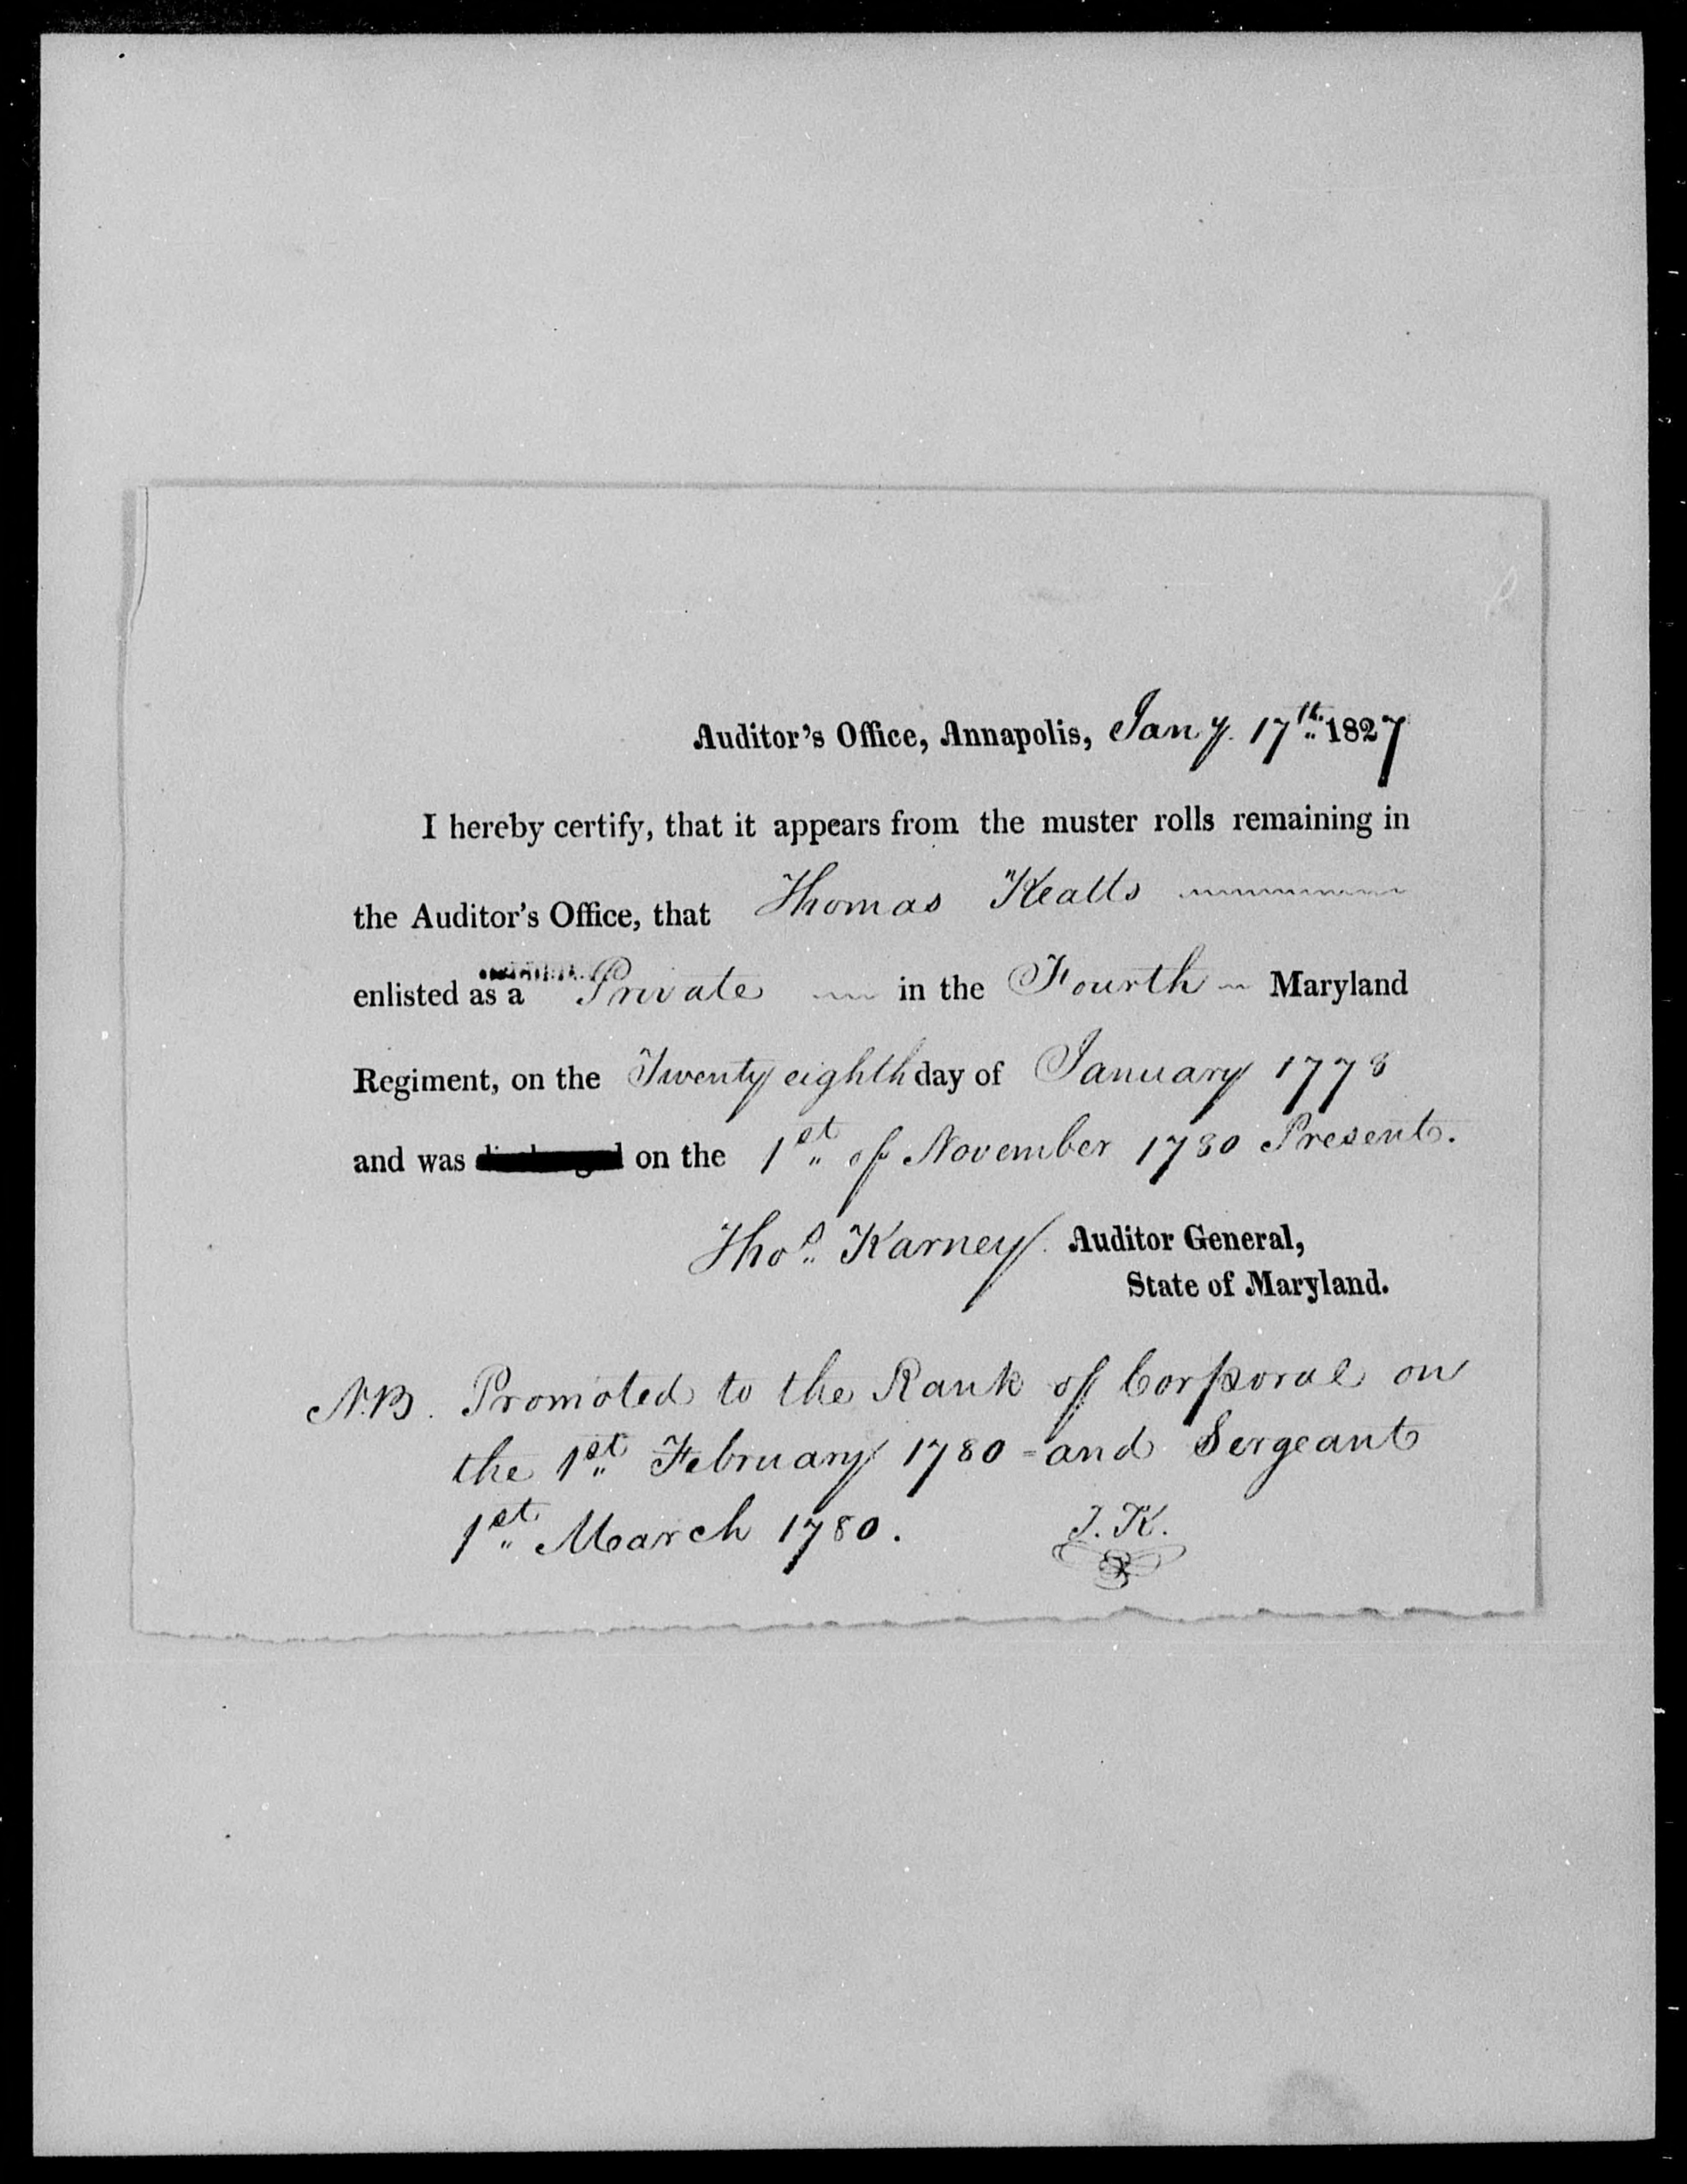Auditor's Office, Annapolis, Jany. 17th 1827

I hereby certify, that it appears from the muster rolls remaining in
the Auditor's Office, that Thomas Keatts
enlisted as a Private in the Fourth Maryland
Regiment, on the twenty eighth day of January 1778
and was on the 1st of November 1780 Present.

Thos. Karney Suditor General, State of Maryland.

N.B. Promoted to the Rank of Corporal on
the 1st February 1780 and Sergeant
1st March 1780.
J.K.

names: Thos Karney; Thomas Keatts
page: 10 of 25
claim: survivor's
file: S. 38109, for Thomas Keates, Maryland